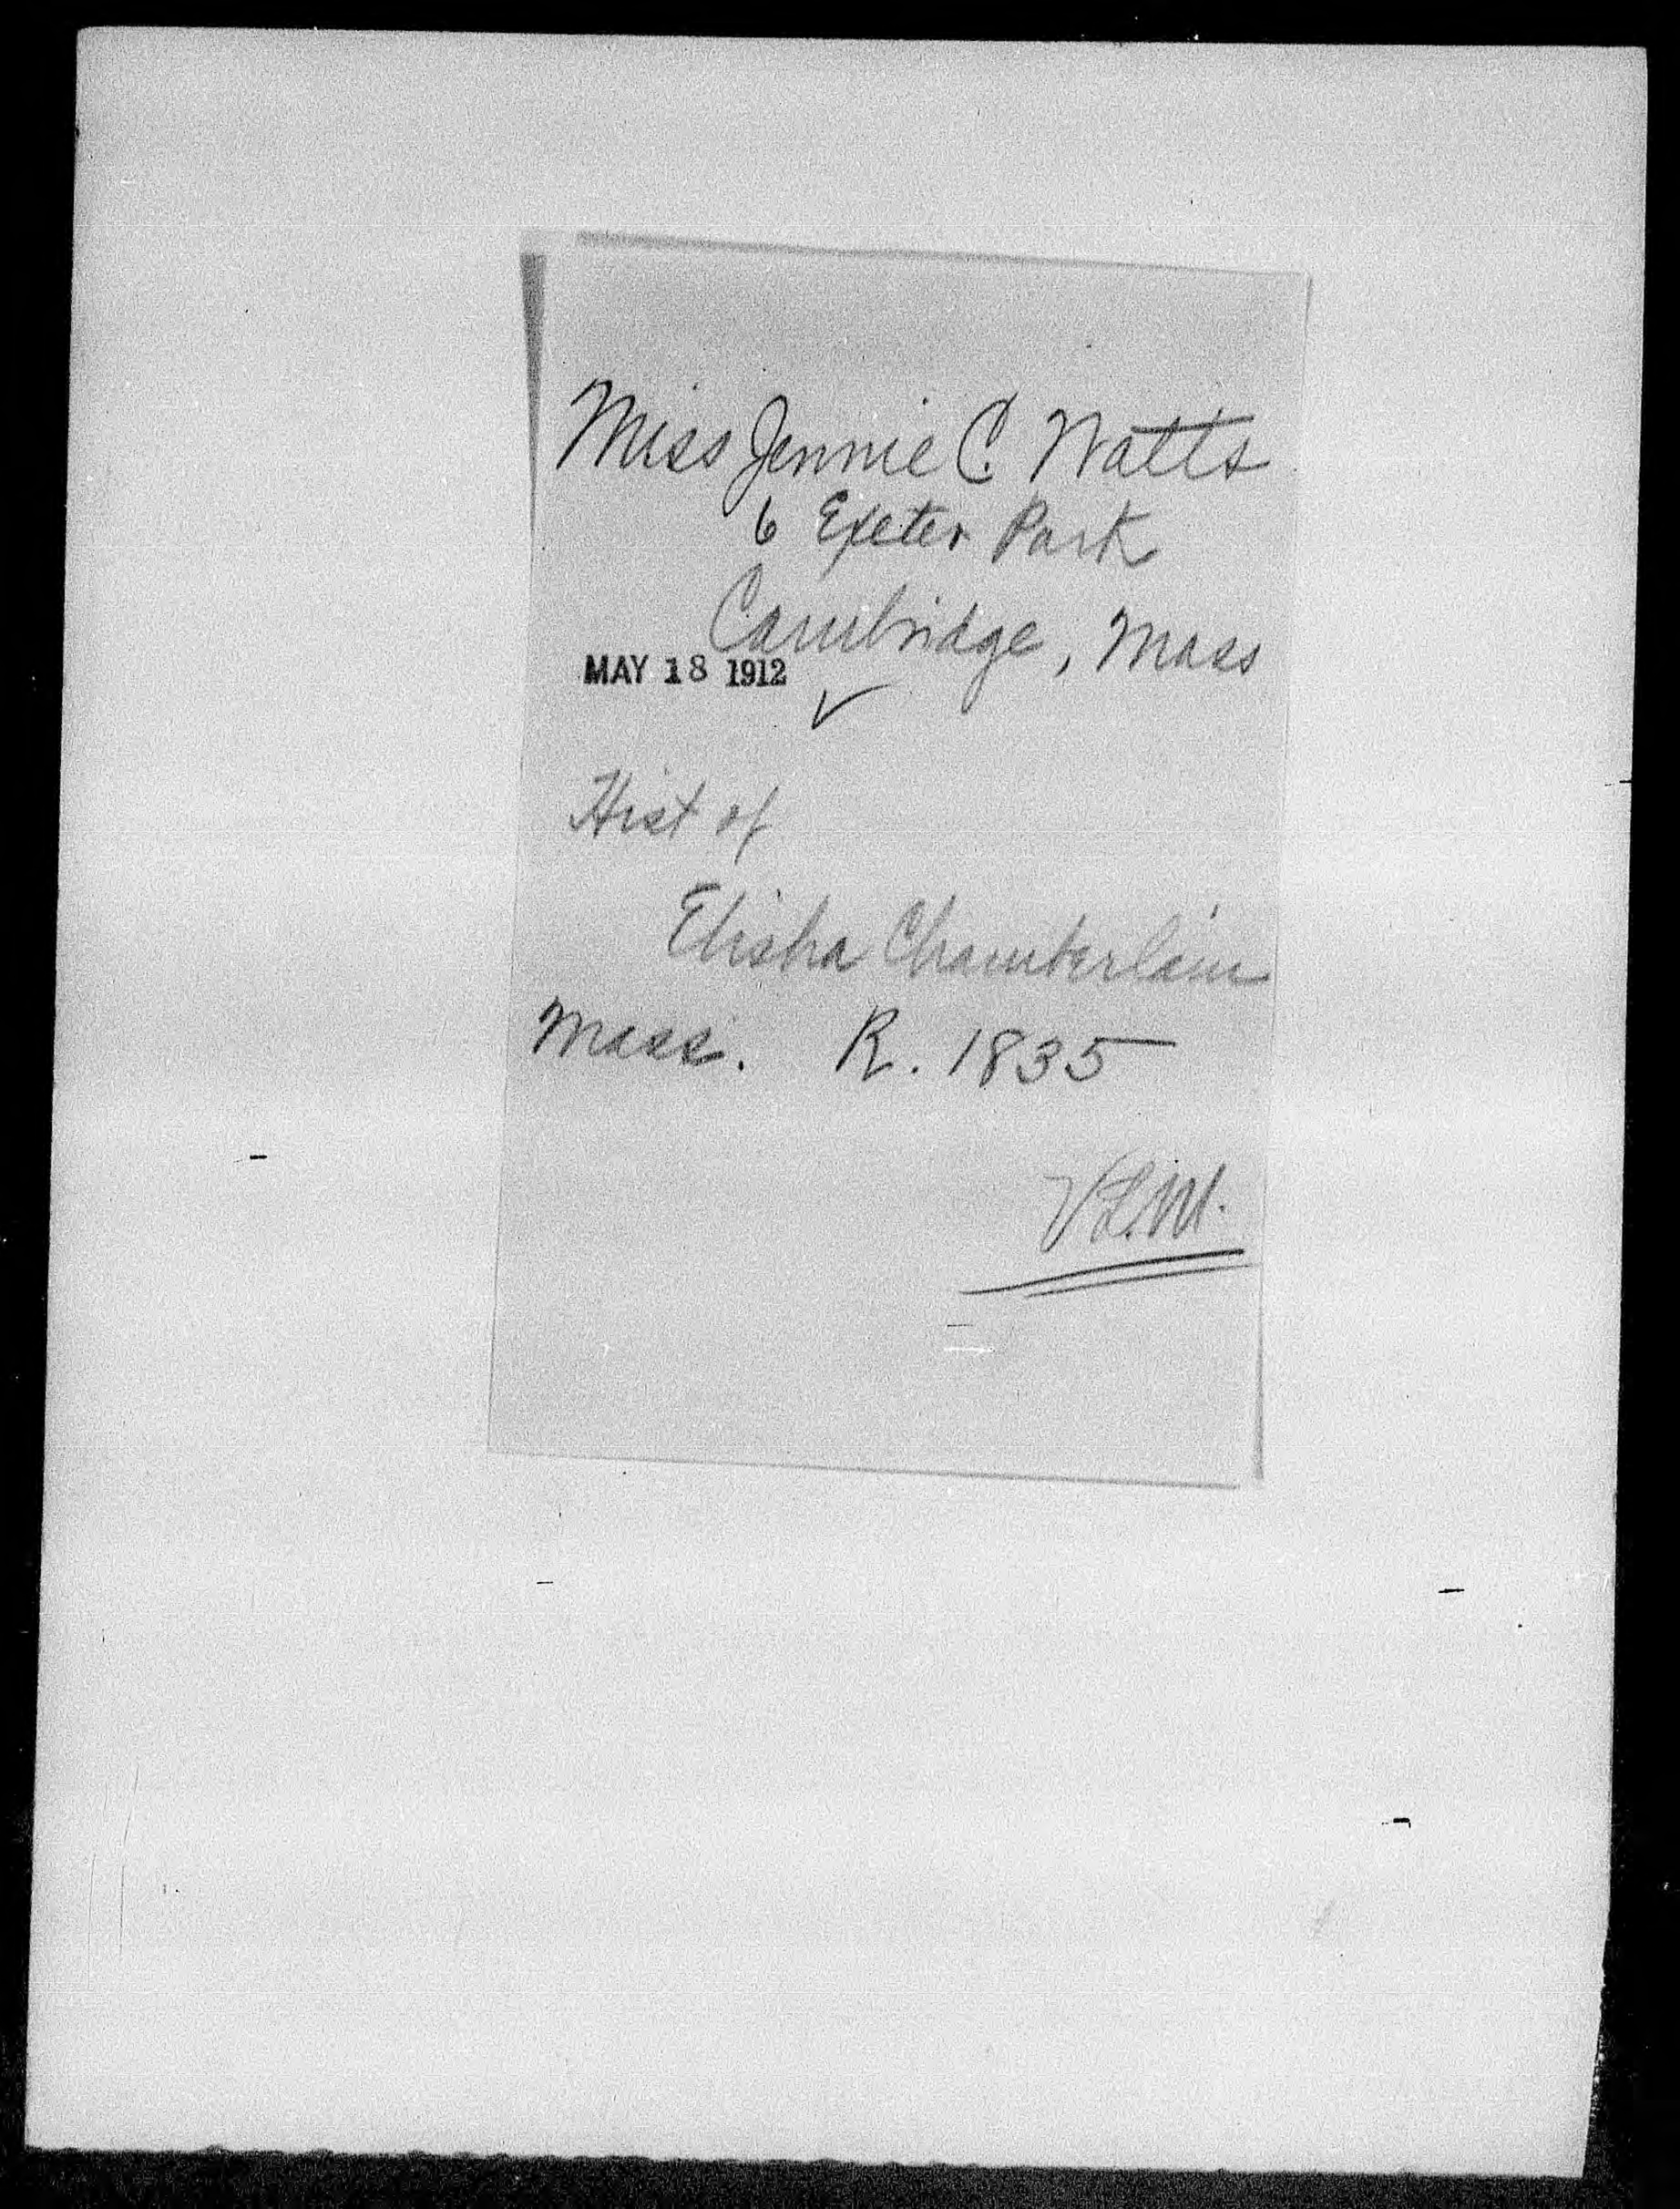Miss Jennie C. Watts
6 Exeter Park
Cambridge, Mass

MAY 18 1912  [checkmark]

Hist of
Elisha Chamberlain

Mass.   R. 1835

VLM
======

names: Elisha Chamberlain, Jennie C Watts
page: 20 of 24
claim: rejected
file: R. 1835, Elisha Chamberlain, Mass.